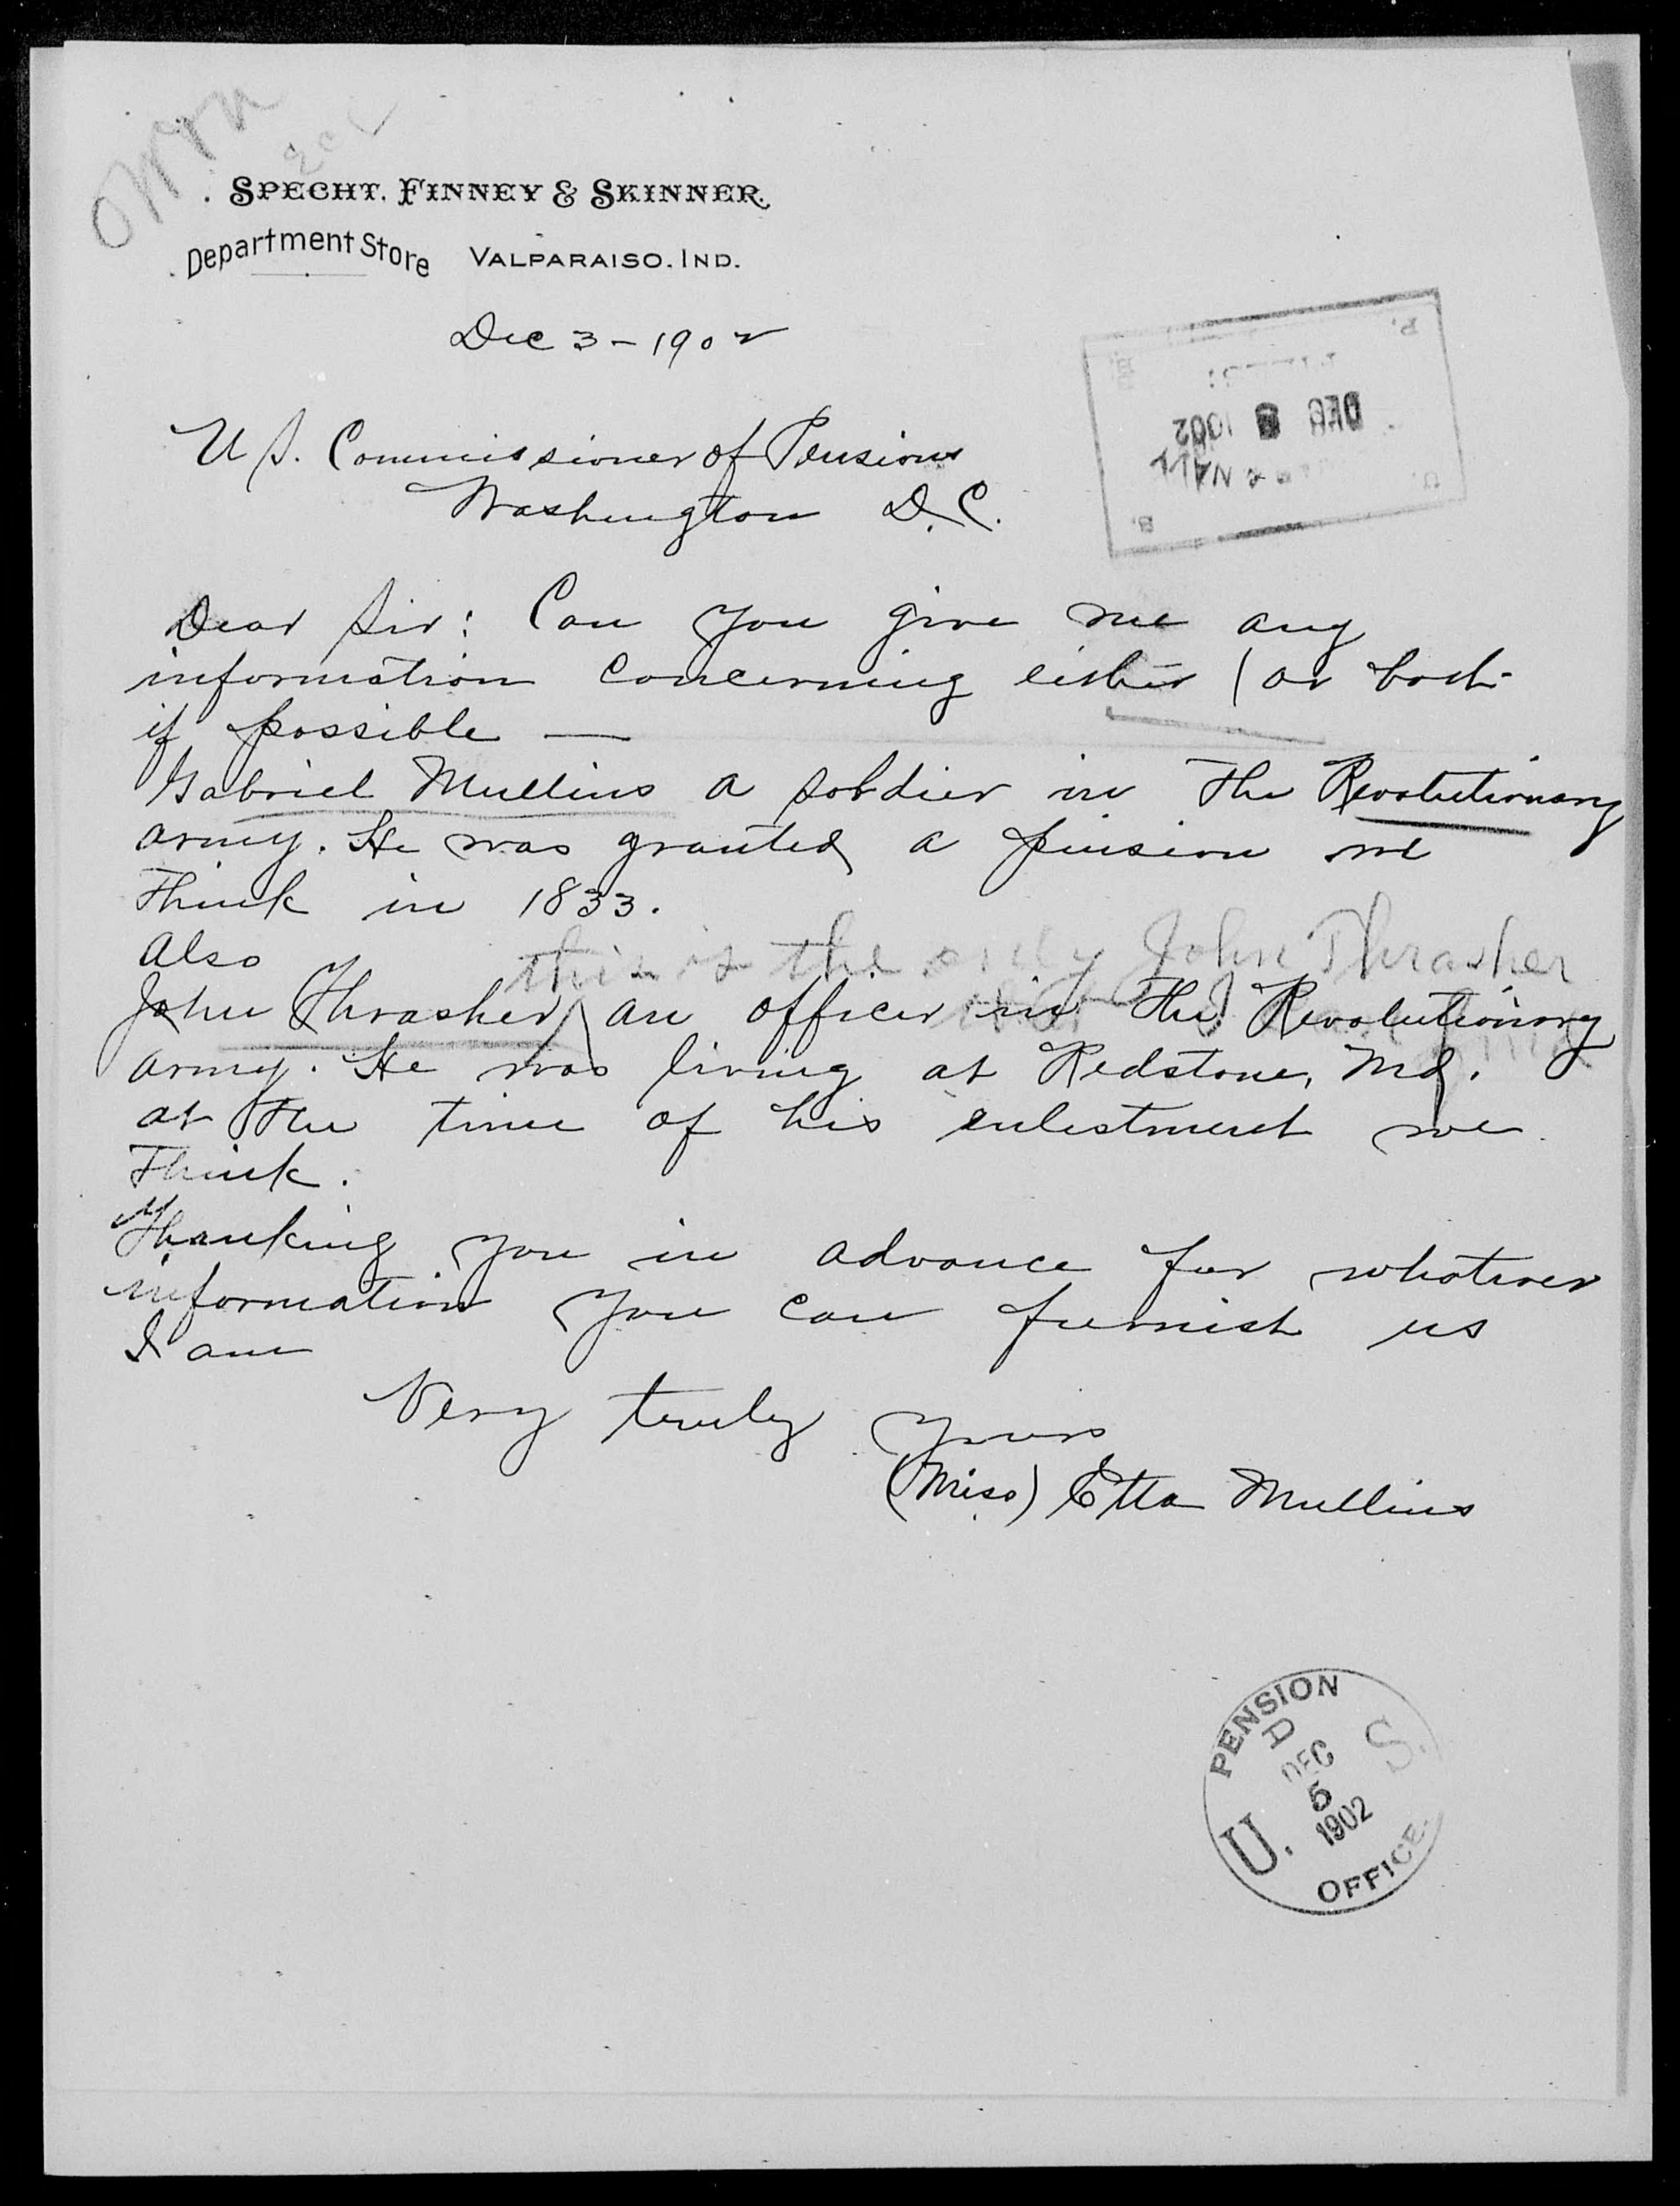SPECHT FINNEY & SKINNER.
Department Store VALPARAISO, IND.
Dec 3 - 1902
U S. Commissioner of Pensions
Washington D.C.

Dear Sir: Can you give me any
information concerning either (or both
if possible-
Gabriel Mullins a Soldier in the Revolutionary
army. He was granted a pension we
think in 1833
Also
John Thrasher^this is the only John Thrasher that we could find,  an officer
in the Revolutinary Army. He was living at Redstone, Md.
at the time of his enlistment we Think.
Thanking you in advance information for whatever information
you can furnish us.
I am
Very truly Yours
(Miss) Etta Mullins
  

  [stamp:] U.S. Pension Office Dec 5, 1902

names: Gabriel Mullins; Etta Mullins; John Thrasher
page: 29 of 34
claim: survivor's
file: S. 30608, for Gabrel Mullins, Virginia